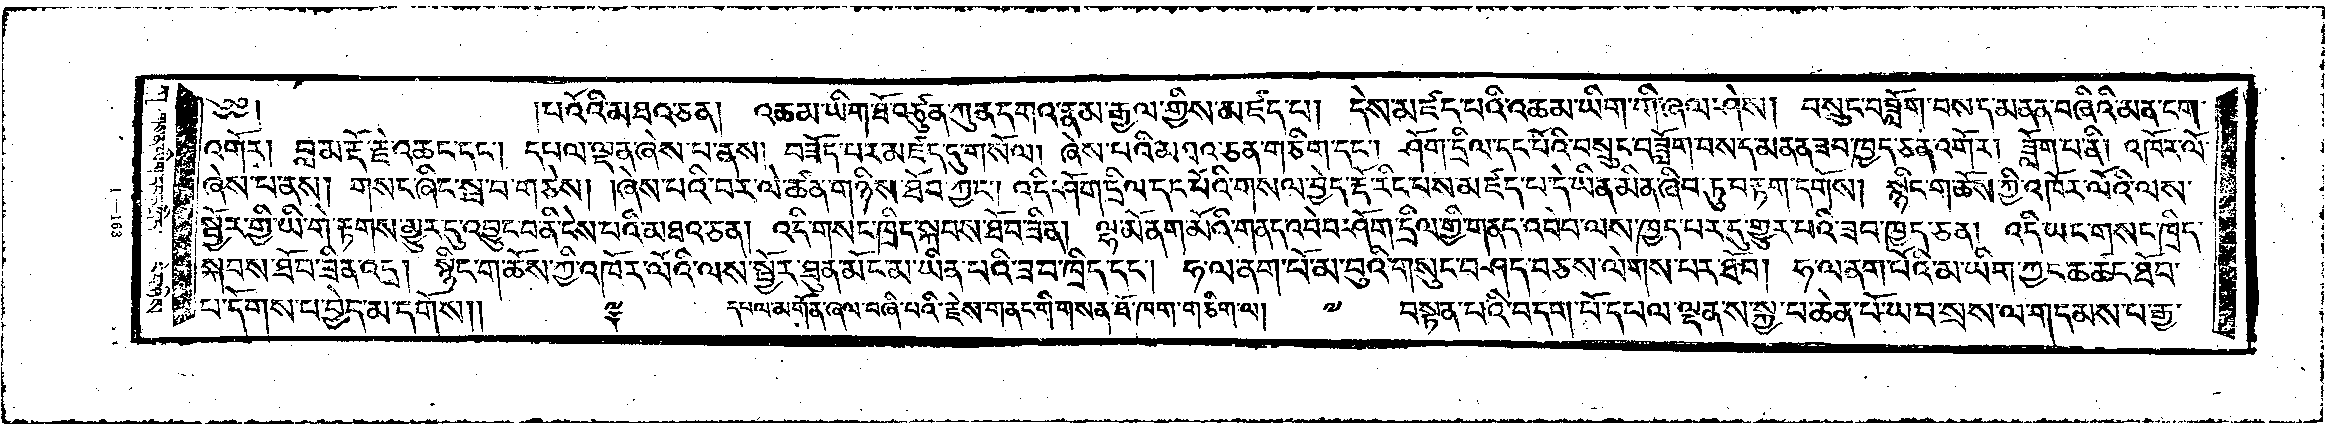༄༅། །པའོའི་མཐའ་ཅན། འཆམ་ཡིག་ཐོ་བཙུན་ཀུན་དགའ་རྣམ་རྒྱལ་གྱིས་མཛད་པ། དེས་མཛད་པའི་འཆམ་ཡིག་གི་ཞལ་ཤེས། བསྲུང་བཟློག་བསད་མནན་བཞིའི་མན་ངག་
འགོར། བླ་མ་རྡོ་རྗེ་འཆང་དང་། དཔལ་ལྡན་ཞེས་པ་ནས། བཟོད་པར་མཛད་དུ་གསོལ། ཞེས་པའི་མཐའ་ཅན་གཅིག་དང་། ཤོག་དྲིལ་དང་པོའི་བསྲུང་བཟློག་བསད་མནན་ཟབ་ཁྱད་ཅན་འགོར། ཟློག་པ་ནི། འཁོར་ལོ་
ཞེས་པ་ནས། གསང་ཞིང་སྦ་བ་གཅེས། ཞེས་པའི་བར་ལེ་ཚན་གཉིས་ཐོབ་ཀྱང་། འདི་ཤོག་དྲིལ་དང་པོའི་གསལ་བྱེད་རྡོ་རིང་པས་མཛད་པ་དེ་ཡིན་མིན་ཞིབ་ཏུ་བརྟག་དགོས། སྙིང་ག་ཆོས་ཀྱི་འཁོར་ལོའི་ལས་
སྦྱོར་གྱི་ཡི་གེ་རྟགས་མྱུར་དུ་འབྱུང་བ་ནི་ངེས་པའི་མཐའ་ཅན། འདི་གསང་ཁྲིད་སྐབས་ཐོབ་ཟིན། ལྷ་མོ་ནག་མོའི་གནད་འབེབ་ཤོག་དྲིལ་གྱི་གནད་འབེབ་ལས་ཁྱད་པར་དུ་གྱུར་བའི་ཟབ་ཁྱད་ཅན། འདི་ཡང་གསང་ཁྲིད་
སྐབས་ཐོབ་ཟིན་འདྲ། སྙིང་ག་ཆོས་ཀྱི་འཁོར་ལོའི་ལས་སྦྱོར་ཐུན་མོང་མ་ཡིན་པའི་ཟབ་ཁྲིད་དང་། ཧ་ལ་ནག་པོ་མ་བུའི་གསུང་བཤད་བཅས་ལེགས་པར་ཐོབ། ཧ་ལ་ནག་པོའི་མ་ཡིག་ཀྱང་ཆ་ཚང་ཐོབ་
པ་དོགས་པ་བྱེད་མ་དགོས།། ༈ དཔལ་མགོན་ཞལ་བཞི་པའི་རྗེས་གནང་གི་གསན་ཐོ་ཁག་གཅིག་ལ།  ༧་བསྟན་པའི་བདག་པོ་དཔལ་ལྡན་ས་སྐྱ་པ་ཆེན་པོ་ཡབ་སྲས་ལ་གདམས་པ་རྒྱ་